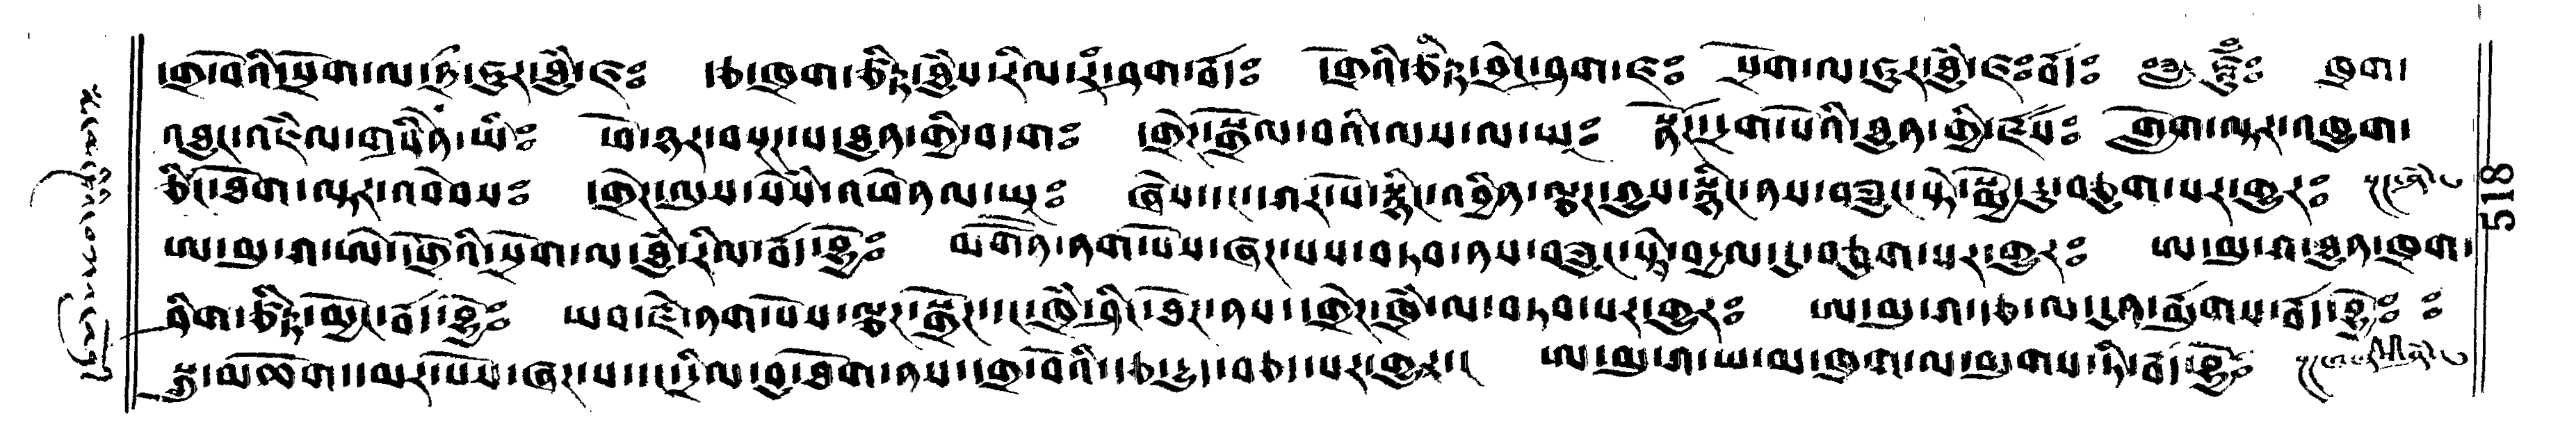དགྲ་བོའི་སྲོག་ལ་ཧྲྀ་ཧུར་ཐུཾ་ཛ༔ རྩ་ཁྲག་ཙིཏྟ་ཐུཾས་རིལ་རཾ་ཤག་རྦད༔ དགྲ་བོའི་ཙིཏྟ་བྲེང་ཤག་ཛ༔ སྲོག་ལ་ཧུར་ཐུམ་ཛཿརྦདཿ བཟླ། ཧཱུྃ༔ ཁྲག་
འཐུང་འཇམ་དཔལ་གཤིན་རྗེ་ཡི༔ ཕོ་ཉར་བསྔགས་པ་ཐུན་གྱི་བདག༔ དགྲ་བགེགས་སྒྲོལ་བའི་ལས་ལ་ཡཱ༔ སྣ་ཚོགས་དྲག་པོའི་ཐུན་གྱི་རྫས༔ གློག་ལྟར་འཁྱུག་
ཅིང་ཐོག་ལྟར་འབེབས༔ དགྲ་བགེགས་ལུས་སེམས་འཕེན་ལ་ཡཱ༔ ཞེས་དང་དཀར་པོ་སྙིང་འབྱིན་ལྕགས་ཀྱུས་སྙིང་ནས་བཟུང་སྟེ་སྨྱོ་རུ་བཅུག་པར་གྱུར༔ སྔགས་གཤམ། 
ཨ་མུ་ཀ་ཨེ་དགྲ་བོའིསྲོག་ལ་ཐུམ་རིལ་རྦད་བྷྱོ༔ མགོན་པོ་ནག་པོས་ཞགས་པས་བཏབ་ནས་བཟུང་སྟེ་བརྒྱལ་དུ་བཅུག་པར་གྱུར༔ ཨ་མུ་ཀ་ཐུན་ཁྲག་
ཤིག་ཙིཏྟ་མྱོང་རྦད་བྷྱོ༔ ཡབ་རྗེ་ནག་པོས་ལྕགས་སྒྲོག་དང་ཁྲམ་ཤིང་ཐོགས་ནས་དགྲ་བགེགས་ཁྲམ་ལ་བཏབ་པར་གྱུར༔ ཨ་མུ་ཀ་ཙ་ལ་དུན་རྨུགས་རྦད་བྷྱོ༔ 
སྐུ་མཆོག་དམར་པོས་ཞགས་པ་དང་དྲིལ་བུ་ཐོགས་ནས་དགྲ་བོའི་རྩ་རྒྱུད་བཅད་པར་གྱུར། ཨ་མུ་ཀ་ཡ་མ་ཁྲག་ལ་མུགས་ཏི་རྦད་བྷྱོ༔ སྔགས་བཞིའི་གཤམ།